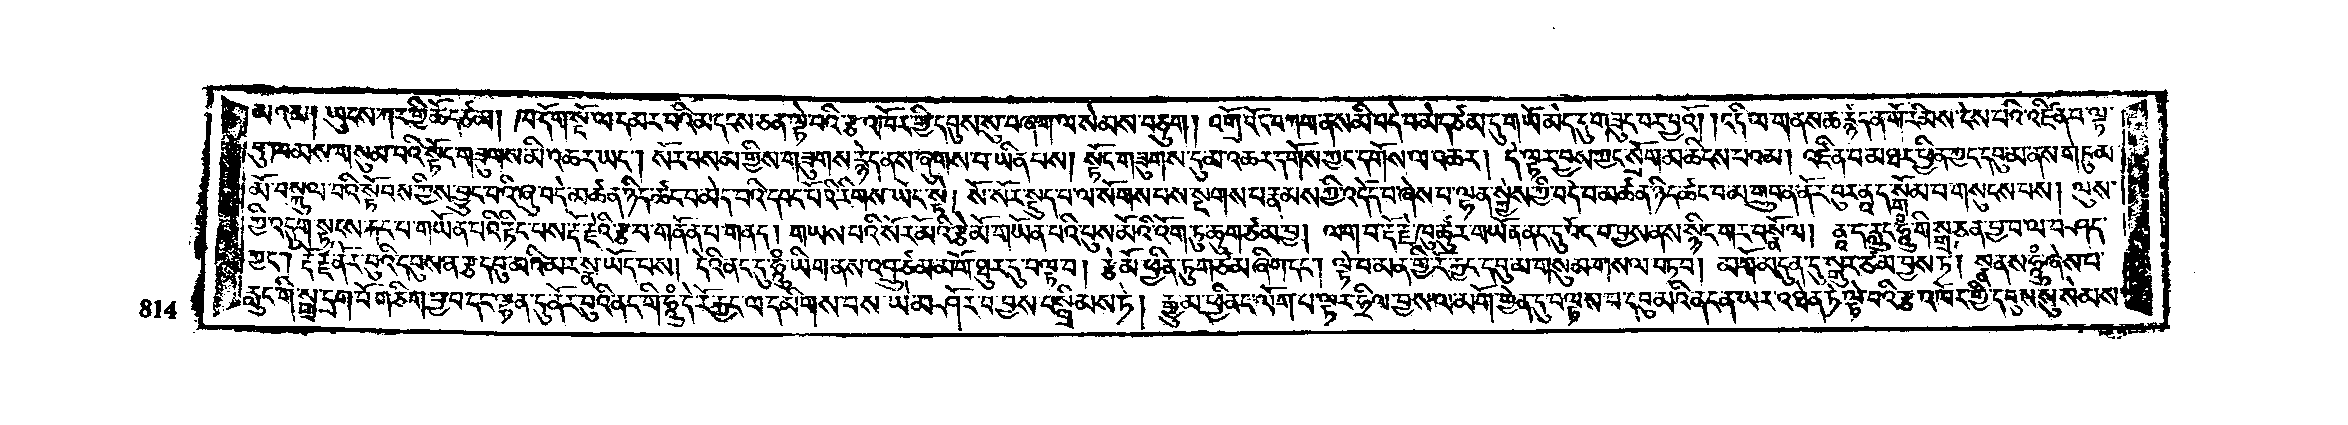མའམ། ཡུངས་ཀར་གྱི་ཚོད་ཙམ། ཁ་དོག་སྔོ་ལ་དམར་བའི་མདངས་ཅན་ལྟེ་བའི་རྩ་འཁོར་གྱི་དབུས་སུ་བཞག་ལ་སེམས་བཅུག །འགྲོ་འོང་བཀག་ནས་མི་བདེ་བ་མེད་ཙམ་དུ་གཡོ་མེད་དུ་གཟུང་བར་བྱའོ། །འདི་ལ་གནས་ཆ་རྙེད་ན་གོ་རིམས་ངེས་པའི་འཛིན་པ་ལྟ་
བུ་ཁམས་གསུམ་པའི་སྟོང་གཟུགས་མི་འཆར་ཡང་། སོར་བསམ་གྱིས་གཟུགས་རྙེན་ནས་ཞུགས་པ་ཡིན་པས། སྟོང་གཟུགས་དུ་མ་འཆར་དགོས་ཀྱང་དགོས་ལ་འཆར། དེ་ལྟར་བྱས་ཀྱང་སྲོག་མ་ཆིངས་པའམ། འཛིན་པ་མཐར་ཕྱིན་ཀྱང་དབུ་མ་ནས་གཏུམ་
མོ་བསྐུལ་བའི་སྟོབས་ཀྱིས་བྱུང་བའི་ཞུ་བདེ་མཚན་ཉིད་ཚང་བ་མེད་པའི་དབང་པོའི་རིགས་ཡོད་སྟེ། སོ་སོར་སྡུད་པ་ལ་སོགས་པས་སྔགས་པ་རྣམས་ཀྱི་འདོད་པ་ཞེས་པ་ལྷན་སྐྱེས་ཀྱི་བདེ་བ་མཚན་ཉིད་ཚང་བ་མ་གྲུབ་ན་ནོར་བུར་ནཱ་ད་སྒོམ་པ་གསུངས་པས། ལུས་
ཀྱི་འདུག་སྟངས་རྐང་པ་གཡོན་པའི་རྟིང་པས་རྡོ་རྗེའི་རྩ་བ་གནོན་པ་གནད། གཡས་པའི་སོར་མོའི་རྩེ་མོ་གཡོན་པའི་པུས་མོའི་འོག་ཏུ་ཆུག་ཙམ་བྱ། ལག་པ་རྡོ་རྗེ་ཁུ་ཚུར་གཡོན་ནང་དུ་འོང་བ་བྱས་ནས་སྙིང་གར་བསྣོལ། ནཱ་ད་རླུང་ཧཱུཾ་གི་སྒྲ་ཅན་བྱ་བ་ལ་བཤད་
ཀྱང་། རྡོ་རྗེ་ནོར་བུའི་དབུས་ན་རྩ་དབུ་མའི་མར་སྣ་ཡོད་པས། དེའི་ནང་དུ་ཧཱུཾ་ཡིག་ནས་འབྲུ་ཙམ་མགོ་ཐུར་དུ་བལྟ་བ། རྩེ་མོ་ཕྱིན་ཏུག་ཙམ་ཞིག་དང་། ལྟེ་བ་མན་གྱི་རོ་རྐྱང་དབུ་མ་གསུམ་གསལ་བཏབ། མགོ་མདུན་དུ་སྒུར་ཙམ་བྱས་ཏེ། སྣ་ནས་ཧཱུཾ་ཞེས་པ་
རླུང་གི་སྒྲ་དྲག་པོ་གཅིག་བྱ་བ་དང་ལྷན་དུ་ནོར་བུའི་ནང་གི་ཧཱུཾ་དེ་རོ་རྐྱང་ལ་དམིགས་པས་ཡེ་མ་ཤོར་བ་བྱས་བསྒྲིམས་ཏེ། རྒྱུ་མ་ཕྱི་ནང་ལོག་པ་ལྟར་ཧྲིལ་བྱས་ལ་མགོ་གྱེན་དུ་བལྟས་པ་དབུ་མའི་ནང་ན་ཡར་འཐེན་ཏེ་ལྟེ་བའི་རྩ་འཁོར་གྱི་དབུས་སུ་སེམས་